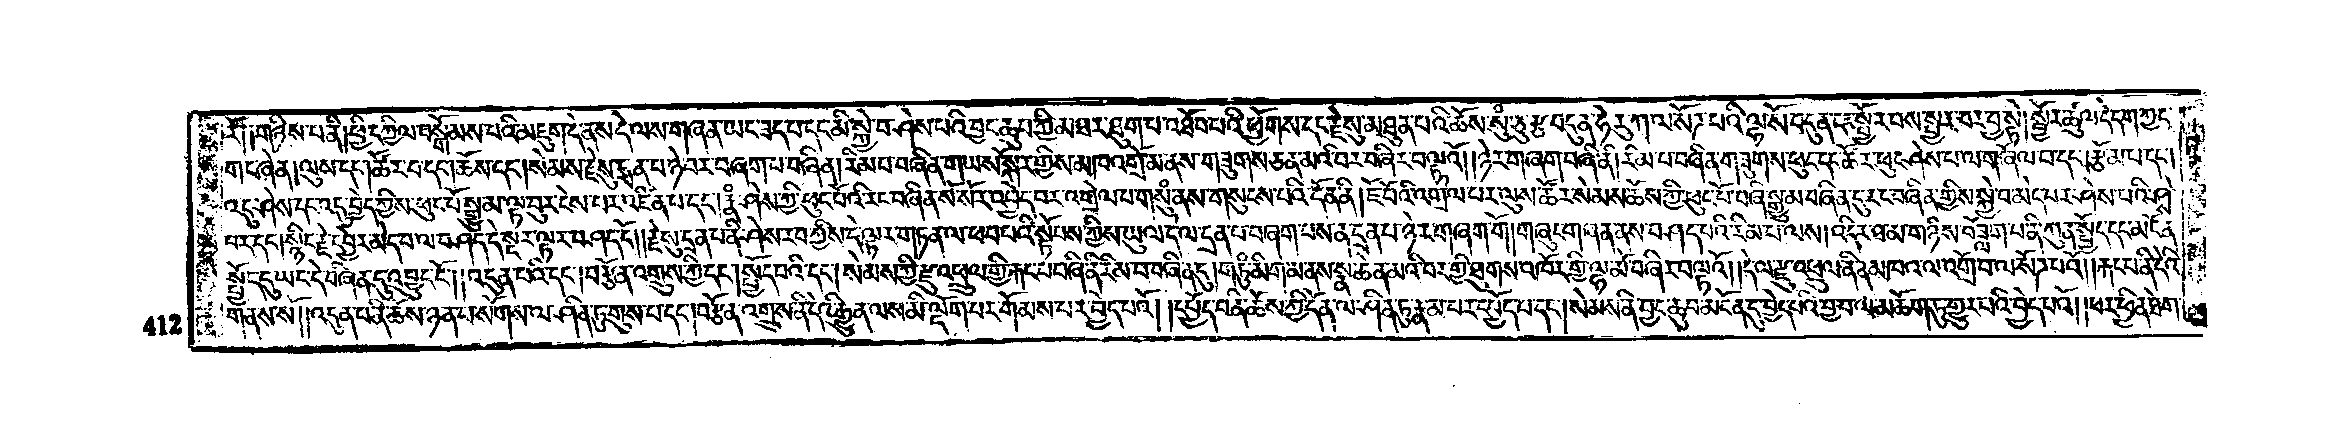རོ། །གཉིས་པ་ནི། ཕྱི་དཀྱིལ་འཁོར་བསྒོམས་པའི་མཇུག་དེ་ནས་དེ་ལས་གཞན་ཡང་ཟད་པ་དང་མི་སྐྱེ་བ་ཤེས་པའི་བྱང་ཆུབ་ཀྱི་མཐར་ཐུག་པ་འཐོབ་པའི་ཕྱོགས་དང་རྗེས་སུ་མཐུན་པའི་ཆོས་སུམ་ཅུ་རྩ་བདུན་ཧེ་རུ་ཀ་ལ་སོགས་པའི་ལྷ་སོ་བདུན་དང་སྦྱོར་བས་སྦྱར་བར་བྱ་སྟེ། སྦྱོར་ཚུལ་དེ་དག་ཀྱང་
གང་ཞེ་ན། ལུས་དང་། ཚོར་བ་དང་། ཆོས་དང་། སེམས་རྗེས་སུ་དྲན་པ་ཉེ་བར་བཞག་པ་བཞིན། རིམ་པ་བཞིན་གཡས་སྐོར་གྱིས་མཁའ་འགྲོ་མ་ནས་གཟུགས་ཅན་མའི་བར་བཞིར་བལྟའོ། །ཉེར་གཞག་བཞི་ནི། རིམ་པ་བཞིན་གཟུགས་ཕུང་དང་ཚོར་ཕུང་ཤེས་པ་ལ་གཞོལ་བ་དང་། རྩོམ་པ་དང་།
འདུ་ཤེས་དང་འདུ་བྱེད་ཀྱིས་ཕུང་པོ་སྒྱུ་མ་ལྟ་བུར་ངེས་པར་འཛིན་པ་དང་། རྣམ་ཤེས་ཀྱི་ཕུང་པོའི་རང་བཞིན་སོ་སོར་འབྱེད་པར་འགྲེལ་པ་གསུམ་ནས་གསུངས་པའི་དོན་ནི། ཇོ་བོའི་འགྲེལ་པར་ལུས་ཚོར་སེམས་ཆོས་ཀྱི་ཕུང་པོ་བཞི་སྒྱུ་མ་བཞིན་དུ་རང་བཞིན་གྱིས་སྐྱེ་བ་མེད་པར་ཤེས་པའི་ཤེས་
རབ་དང་། སྙིང་རྗེ་དབྱེར་མེད་བ་ལ་བཤད་དེ་སྔར་ལྟར་བཤད་དོ། །རྗེས་སུ་དྲན་པ་ནི་ཤེས་རབ་ཀྱིས་དེ་ལྟར་གཏན་ལ་ཕབ་པའི་སྟོབས་ཀྱིས་ཡུལ་དེ་ལ་དྲན་པ་བཞག་པས་ན་དྲན་པ་ཉེར་གཞག་གོ །གཞུང་གཞན་ནས་བཤད་པའི་རིམ་པ་ལས། འདིར་ཐ་མ་གཉིས་བཟློག་པ་ནི་ཀུན་སྤྱོད་དང་མངོན་
སྤྱོད་དུ་ཡང་དེ་བཞིན་དུ་འབྱུང་ངོ། །འདུན་པའི་དང་། བརྩོན་འགྲུས་ཀྱི་དང་། སྤྱོད་པའི་དང་། སེམས་ཀྱི་རྫུ་འཕྲུལ་གྱི་རྐང་པ་བཞི་ནི་རིམ་པ་བཞིན་དུ། གཏུཾ་མིག་མ་ནས་སྣ་ཆེན་མའི་བར་གྱི་ཐུགས་འཁོར་གྱི་ལྷ་མོ་བཞིར་བལྟའོ། །དེ་ལ་རྫུ་འཕྲུལ་ནི་ནམ་མཁའ་ལ་འགྲོ་བ་སོགས་པའོ། །རྐང་པ་ནི་དེའི་
གནས་སོ། །འདུན་པ་ནི་ཆོས་ཉན་པ་སོགས་ལ་ཤིན་ཏུ་གུས་པ་དང་། བརྩོན་འགྲུས་ནི་དེའི་རྒྱུན་ལས་མི་ལྡོག་པར་གོམས་པར་བྱེད་པའོ། །དཔྱོད་པའི་ནི་ཆོས་ཀྱི་དོན་ལ་ཤིན་ཏུ་རྣམ་པར་དཔྱོད་པ་དང་། སེམས་ནི་བྱང་ཆུབ་མངོན་དུ་བྱེད་པའི་བྱ་བ་ལ་མཆོག་ཏུ་གྱུར་པའི་བྱེད་པའོ། །ཕར་ཕྱིན་ཐེག་